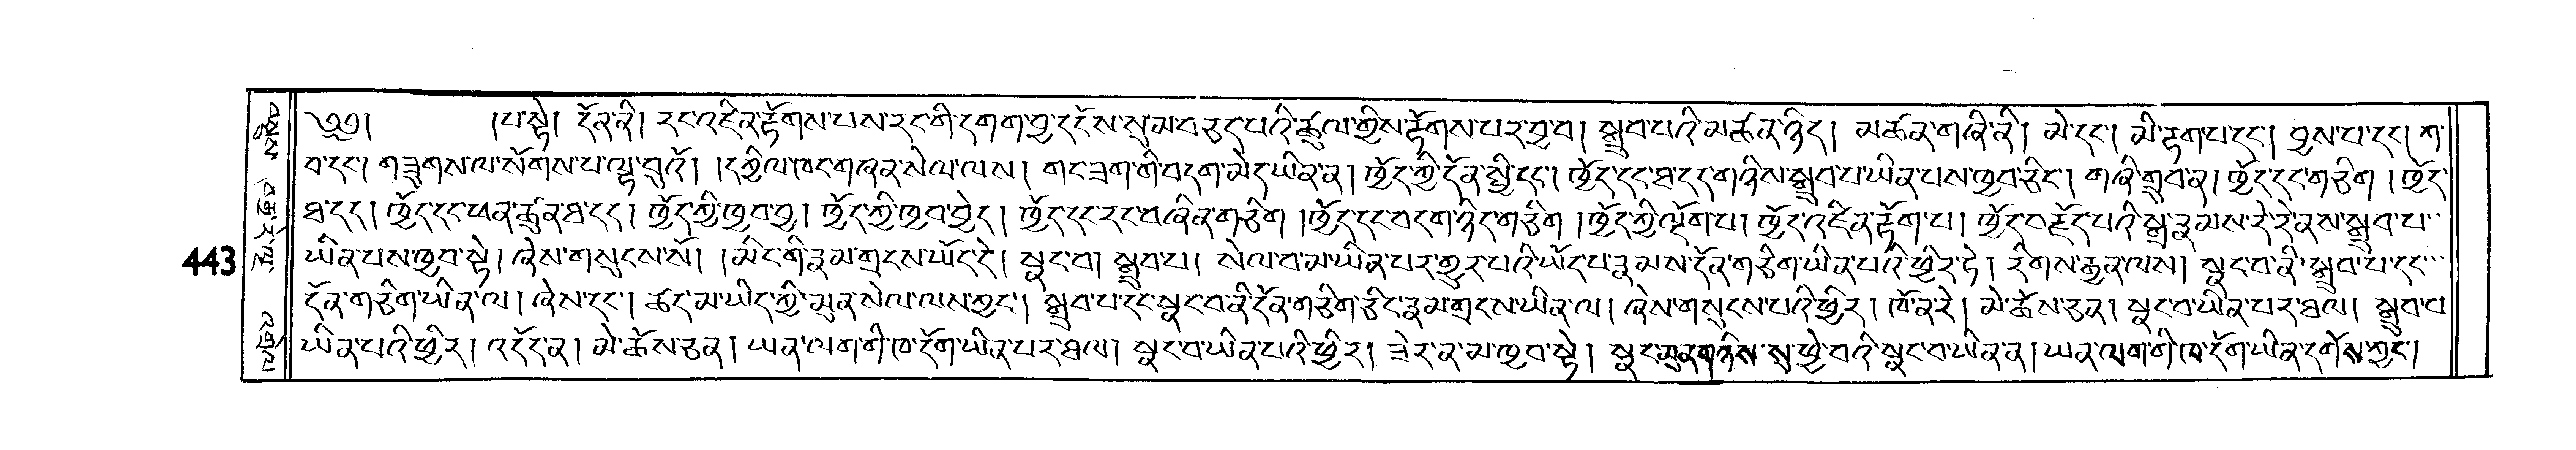༄༅། །པ་སྟེ། དོན་ནི། རང་འཛིན་རྟོགས་པས་རང་གི་དགག་བྱ་དངོས་སུམ་བཅད་པའི་ཚུལ་གྱིས་རྟོགས་པར་བྱ་བ། སྒྲུབ་པའི་མཚན་ཉིད། མཚན་གཞི་ནི། མེ་དང་། མི་རྟག་པ་དང་། བྱས་པ་དང་། ཀ་
བ་དང་། གཟུགས་ལ་སོགས་པ་ལྟ་བུའོ། །དཀྱིལ་ཁང་གཞན་སེལ་ལས། གང་ཟག་གི་བདག་མེད་ཡིན་ན། ཁྱོད་ཀྱི་དོན་སྤྱི་དང་། ཁྱོད་དང་ཐ་དད་གཉིས་སྒྲུབ་པ་ཡིན་པས་ཁྱབ་ཅིང་། གཞི་གྲུབ་ན། ཁྱོད་དང་གཅིག །ཁྱོད་
ཐ་དད། ཁྱོད་དང་ཕན་ཚུན་ཐ་དད། ཁྱོད་ཀྱི་ཁྱབ་བྱ། ཁྱོད་ཀྱི་ཁྱབ་བྱེད། ཁྱོད་དང་རང་བཞིན་གཅིག །ཁྱོད་དང་བདག་ཉིད་གཅིག །ཁྱོད་ཀྱི་ལྡོག་པ། ཁྱོད་འཛིན་རྟོག་པ། ཁྱོད་བརྗོད་པའི་སྒྲ་རྣམས་རེ་རེ་ནས་སྒྲུབ་པ་
ཡིན་པས་ཁྱབ་སྟེ། ཞེས་གསུངས་སོ། །མིང་གི་རྣམ་གྲངས་ཡོང་ངེ། སྣང་བ། སྒྲུབ་པ། སེལ་བ་མ་ཡིན་པར་གྱུར་པའི་ཡོང་པ་རྣམས་དོན་གཅིག་ཡིན་པའི་ཕྱིར་ཏེ། རིགས་རྒྱན་ལས། སྣང་བ་ནས་སྒྲུབ་པ་དང་
དོན་གཅིག་ཡིན་ལ། ཞེས་དང་། ཚད་མ་ཡིད་ཀྱི་མུན་སེལ་ལས་ཀྱང་། སྒྲུབ་པ་དང་སྣང་བ་ནི་དོན་གཅིག་ཅིང་རྣམ་གྲངས་ཡིན་ལ། ཞེས་གསུངས་པའི་ཕྱིར། ཁོ་ན་རེ། མེ་ཆོས་ཅན། སྣང་བ་ཡིན་པར་ཐལ། སྒྲུབ་པ་
ཡིན་པའི་ཕྱིར། འདོད་ན། །མེ་ཆོས་ཅན། ཡན་ལག་གི་ཁ་དོག་ཡིན་པར་ཐལ། སྣང་བ་ཡིན་པའི་ཕྱིར། ཟེར་ན་མ་ཁྱབ་སྟེ། སྣང་མུན་གཉིས་སུ་ཕྱེ་བའི་སྔན་བ་ཡིན་ན། ཡན་ལག་གི་ཁ་དོག་ཡིན་དངོས་ཀྱང་།